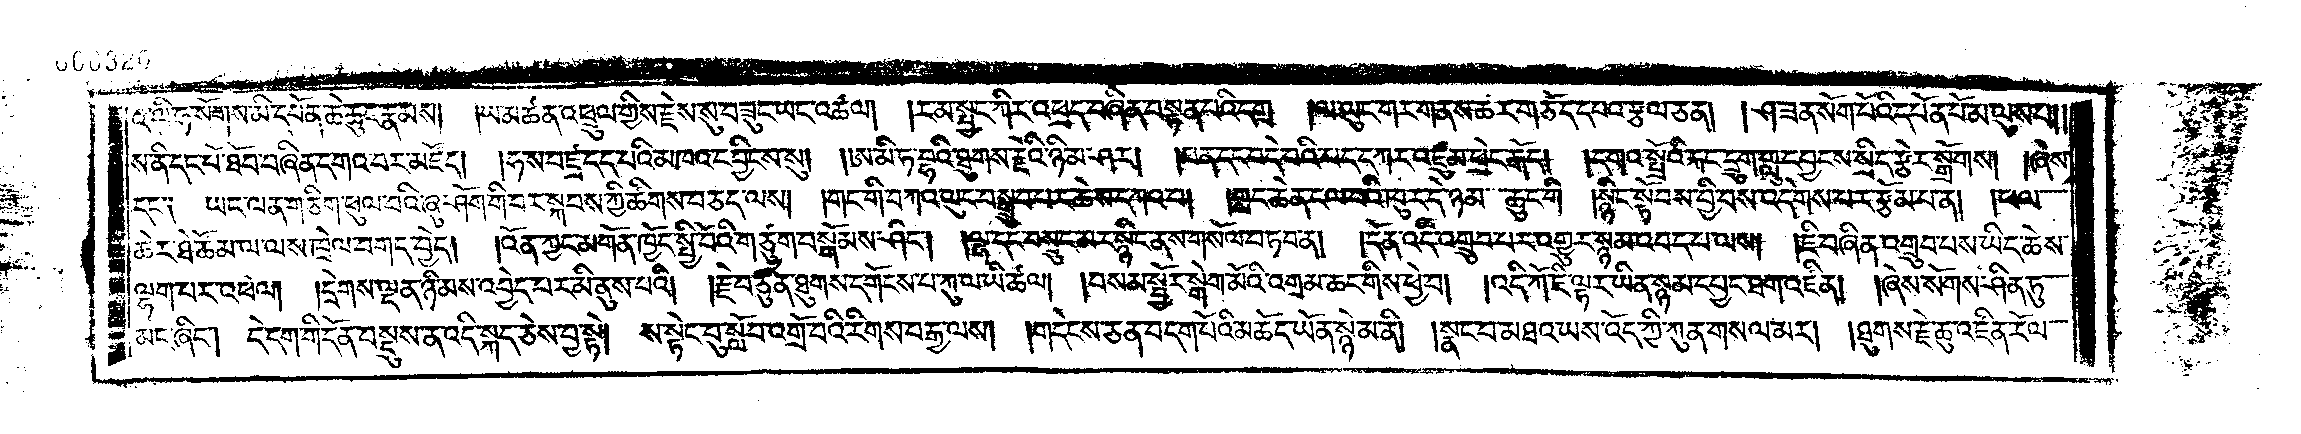འ་ལི་ཧ་སོགས་མི་དཔོན་ཆེ་ཆུང་རྣམས། །ཡ་མཚན་འཕྲུལ་གྱིས་རྗེས་སུ་བཟུང་ཡང་འཚལ། །ར་མ་སྤྱང་ཀིར་འཕྲད་བཞིན་བསྟན་པའི་དགྲ་།ལ་ལུང་གར་གནས་ཚར་གཅོད་དཔའ་རྩལ་ཅན། །ཤ་ཟན་སོག་པོའི་དཔོན་པོ་མ་ལུས་པ།།
ས་ནི་དང་པོ་ཐོབ་བཞིན་དགའ་བར་མཛོད། །ཧ་ས་བཛྲ་དད་པའི་མཁའ་དབྱིངས་སུ། །ཨ་མི་ཏ་བྷའི་ཐུགས་རྗེའི་ཉི་མ་ཤར། །ཕན་དང་བདེ་བའི་པད་དཀར་འཛུམ་ཕྲེང་རྒོད། །དགའ་སྤྲོའི་རྐང་དྲུག་གླུ་དབྱངས་སྲིད་རྩེར་སྒྲོགས། །ཞེས་
དང༑ ཡང་ལན་གཅིག་ཕུལ་བའི་ཞུ་ཤོག་གི་བར་སྐབས་ཀྱི་ཚིགས་བཅད་ལས། །གང་གི་བཀའ་ལུང་བསྒྲུབ་པར་ཆེས་དཀའ་བ། །གླང་ཆེན་ངལ་བའི་ཁུར་དེ་ཉམ་ཆུང་གི །སྙིང་སྟོབས་བྱི་བས་འདེགས་པར་རྩོམ་པ་ན། །ཕལ་
ཆེར་ཐེ་ཚོམ་ལ་ལས་ཁྲེལ་བགད་བྱེད། །འོན་ཀྱང་མགོན་ཁྱོད་སྤྱི་བོའི་གཙུག་བསྒོམས་ཤིང་། །ལྷ་དང་བསྲུང་མར་སྙིང་ནས་གསོལ་བཏབ་ན། །དོན་འདི་འགྲུབ་པར་འགྱུར་སྙམ་འབད་པ་ལས། །ཇི་བཞིན་འགྲུབ་པས་ཡིད་ཆེས་
ལྷག་པར་འཕེལ། །དྲེགས་ལྡན་ཉི་མས་འབྱེད་པར་མི་ནུས་པའི། །རྗེ་བཙུན་ཐུགས་དགོངས་པ་ཀུ་ལ་ཡི་ཚལ། །བསམ་སྦྱོར་སྒེག་མོའི་འགྲམ་ཆང་གིས་ཕྱེ་བ། །འདི་ཀོ་ཇི་ལྟར་ཡིན་སྙམ་དཔྱད་ཐག་འཛིན། །ཞེས་སོགས་ཤིན་ཏུ་
མང་ཞིང་། དེ་དག་གི་དོན་བསྡུས་ན་འདི་སྐད་ཅེས་བྱ་སྟེ། ས་སྟེང་བུ་སློབ་འགྲོ་བའི་རིགས་བརྒྱ་ལས། །གདེངས་ཅན་བདག་པོའི་མཆོད་ཡོན་སྙེ་མ་ནི། །སྣང་བ་མཐའ་ཡས་འོད་ཀྱི་ཀུན་གསལ་མར། །ཐུགས་རྗེ་ཆུ་འཛིན་རོལ་